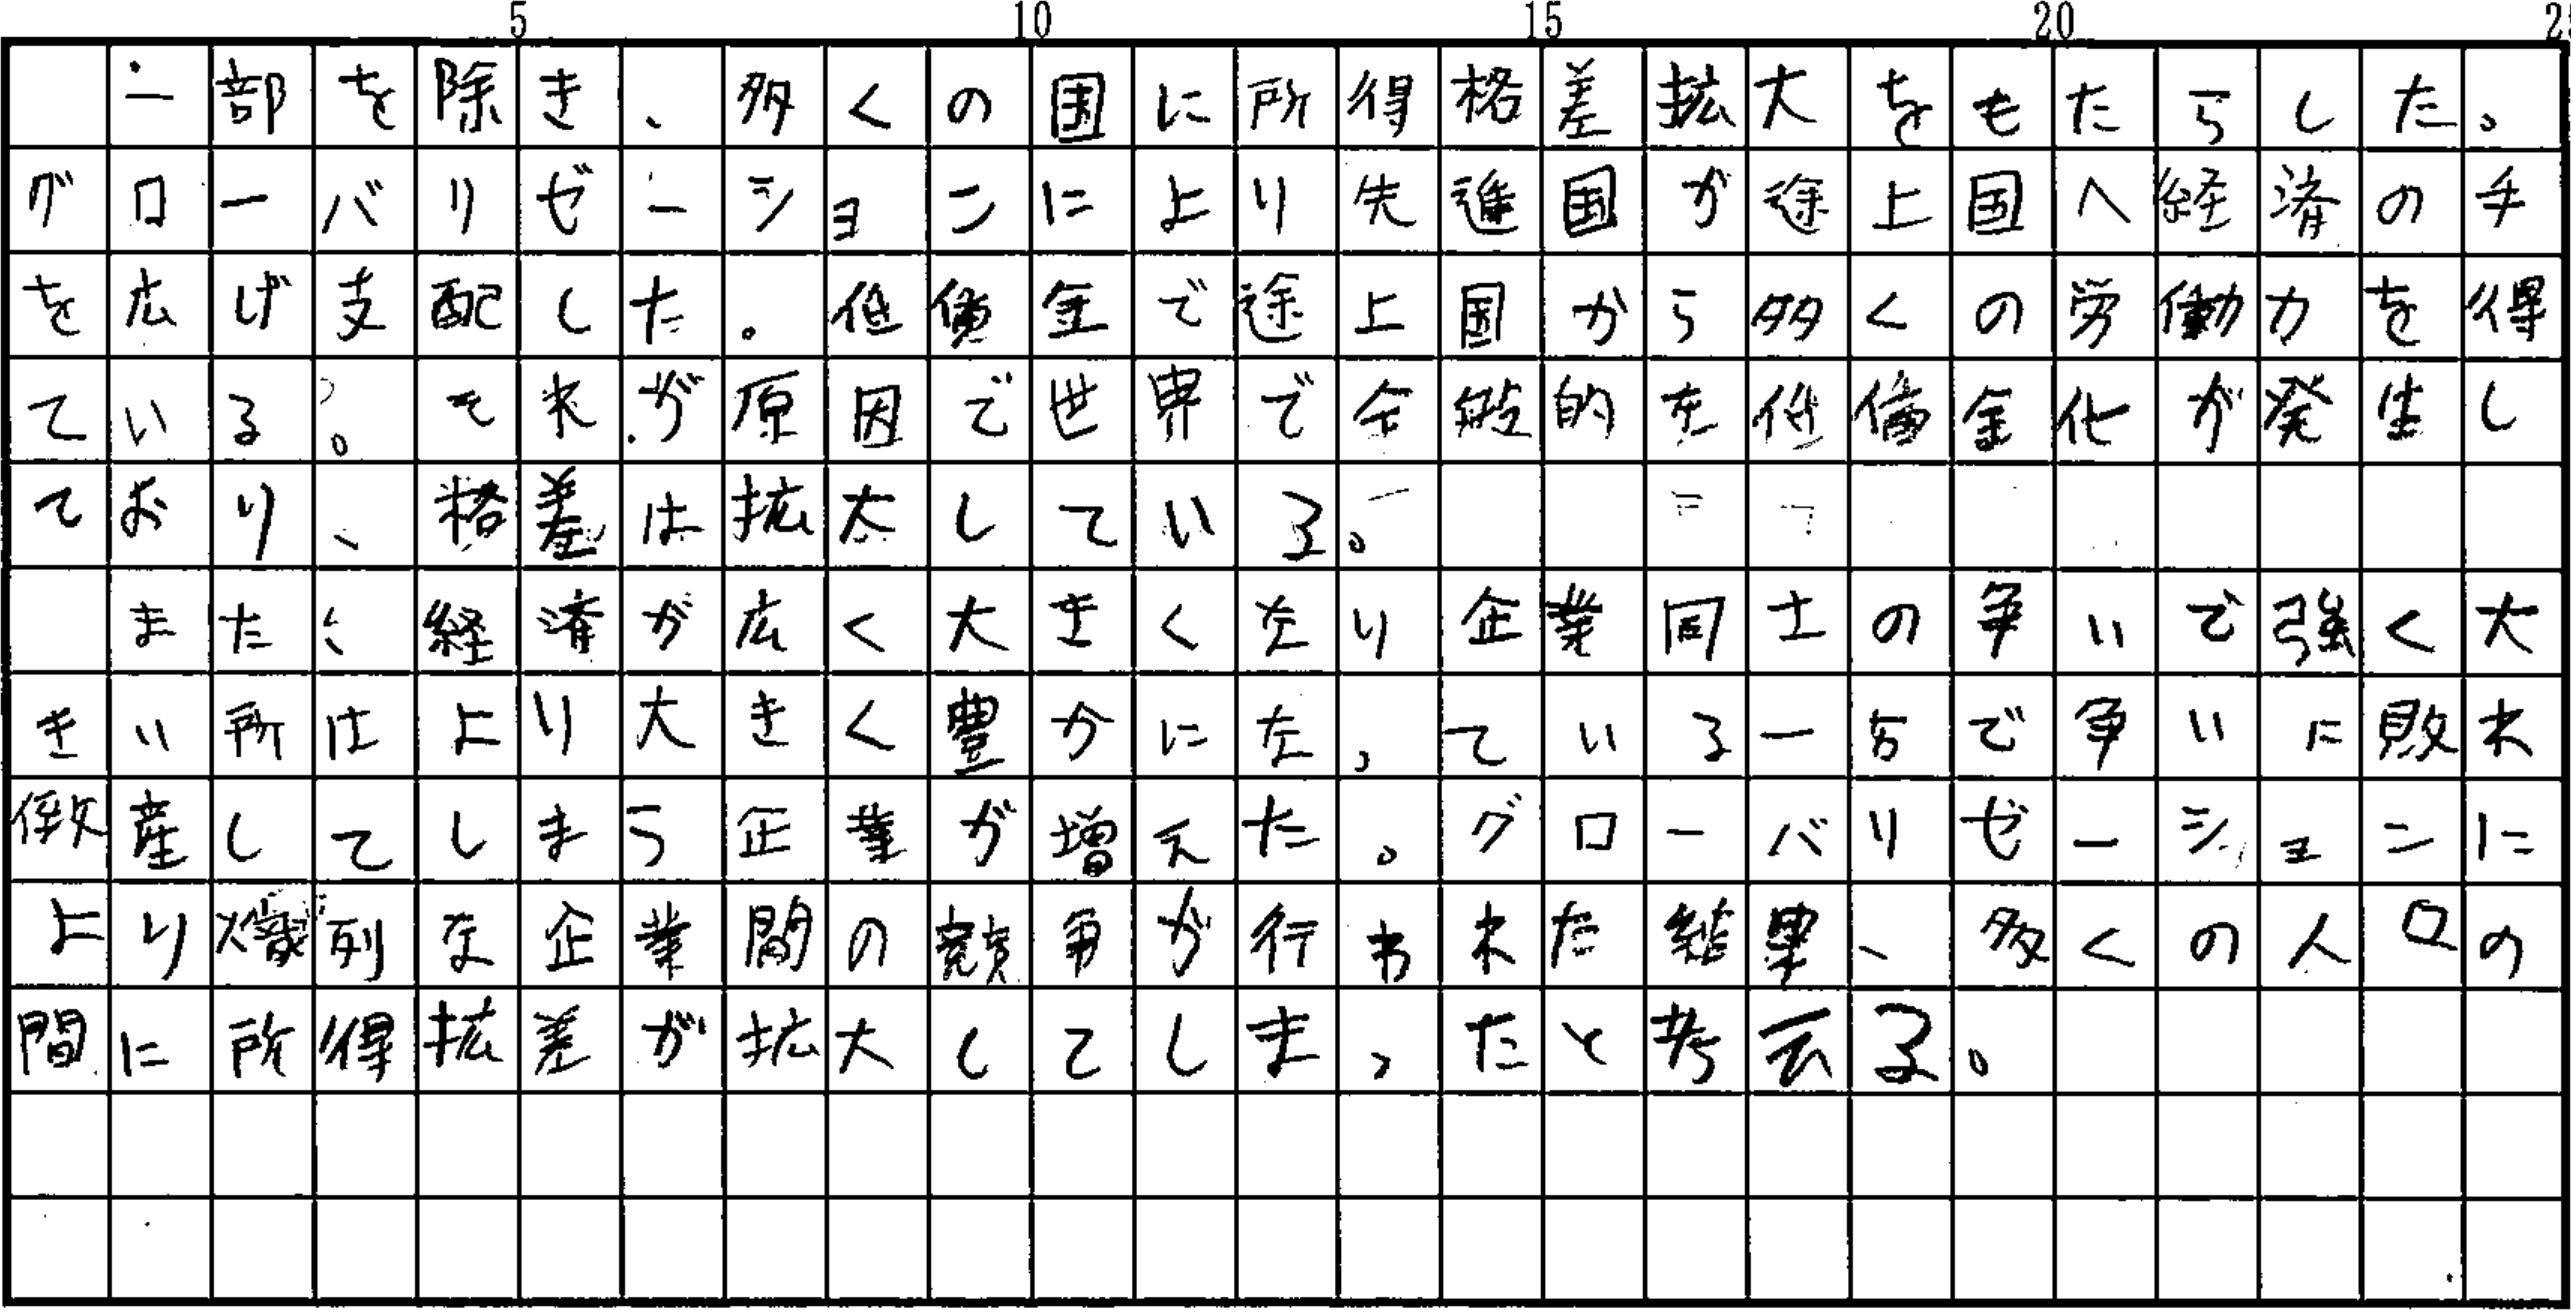　一部を除き、多くの国に所得格差拡大をもたらした。グローバリゼーションにより先進国か途上国へ経済の手を広げ支配した。低賃金で途上国から多くの労働力を得ている。それが原因で世界で全般的な低▁金化が発生しており、格差は拡大している。
　また、経済が広く大きくなり企業同士の争いで強く大きい所はより大きく豊かになっている一方で争いに敗れ▁産してしまう企業が増えた。グローバリゼーションにより熾列な企業間の競争が行われた結果、多くの人々の間に所得格差が拡大してしまったと考える。
